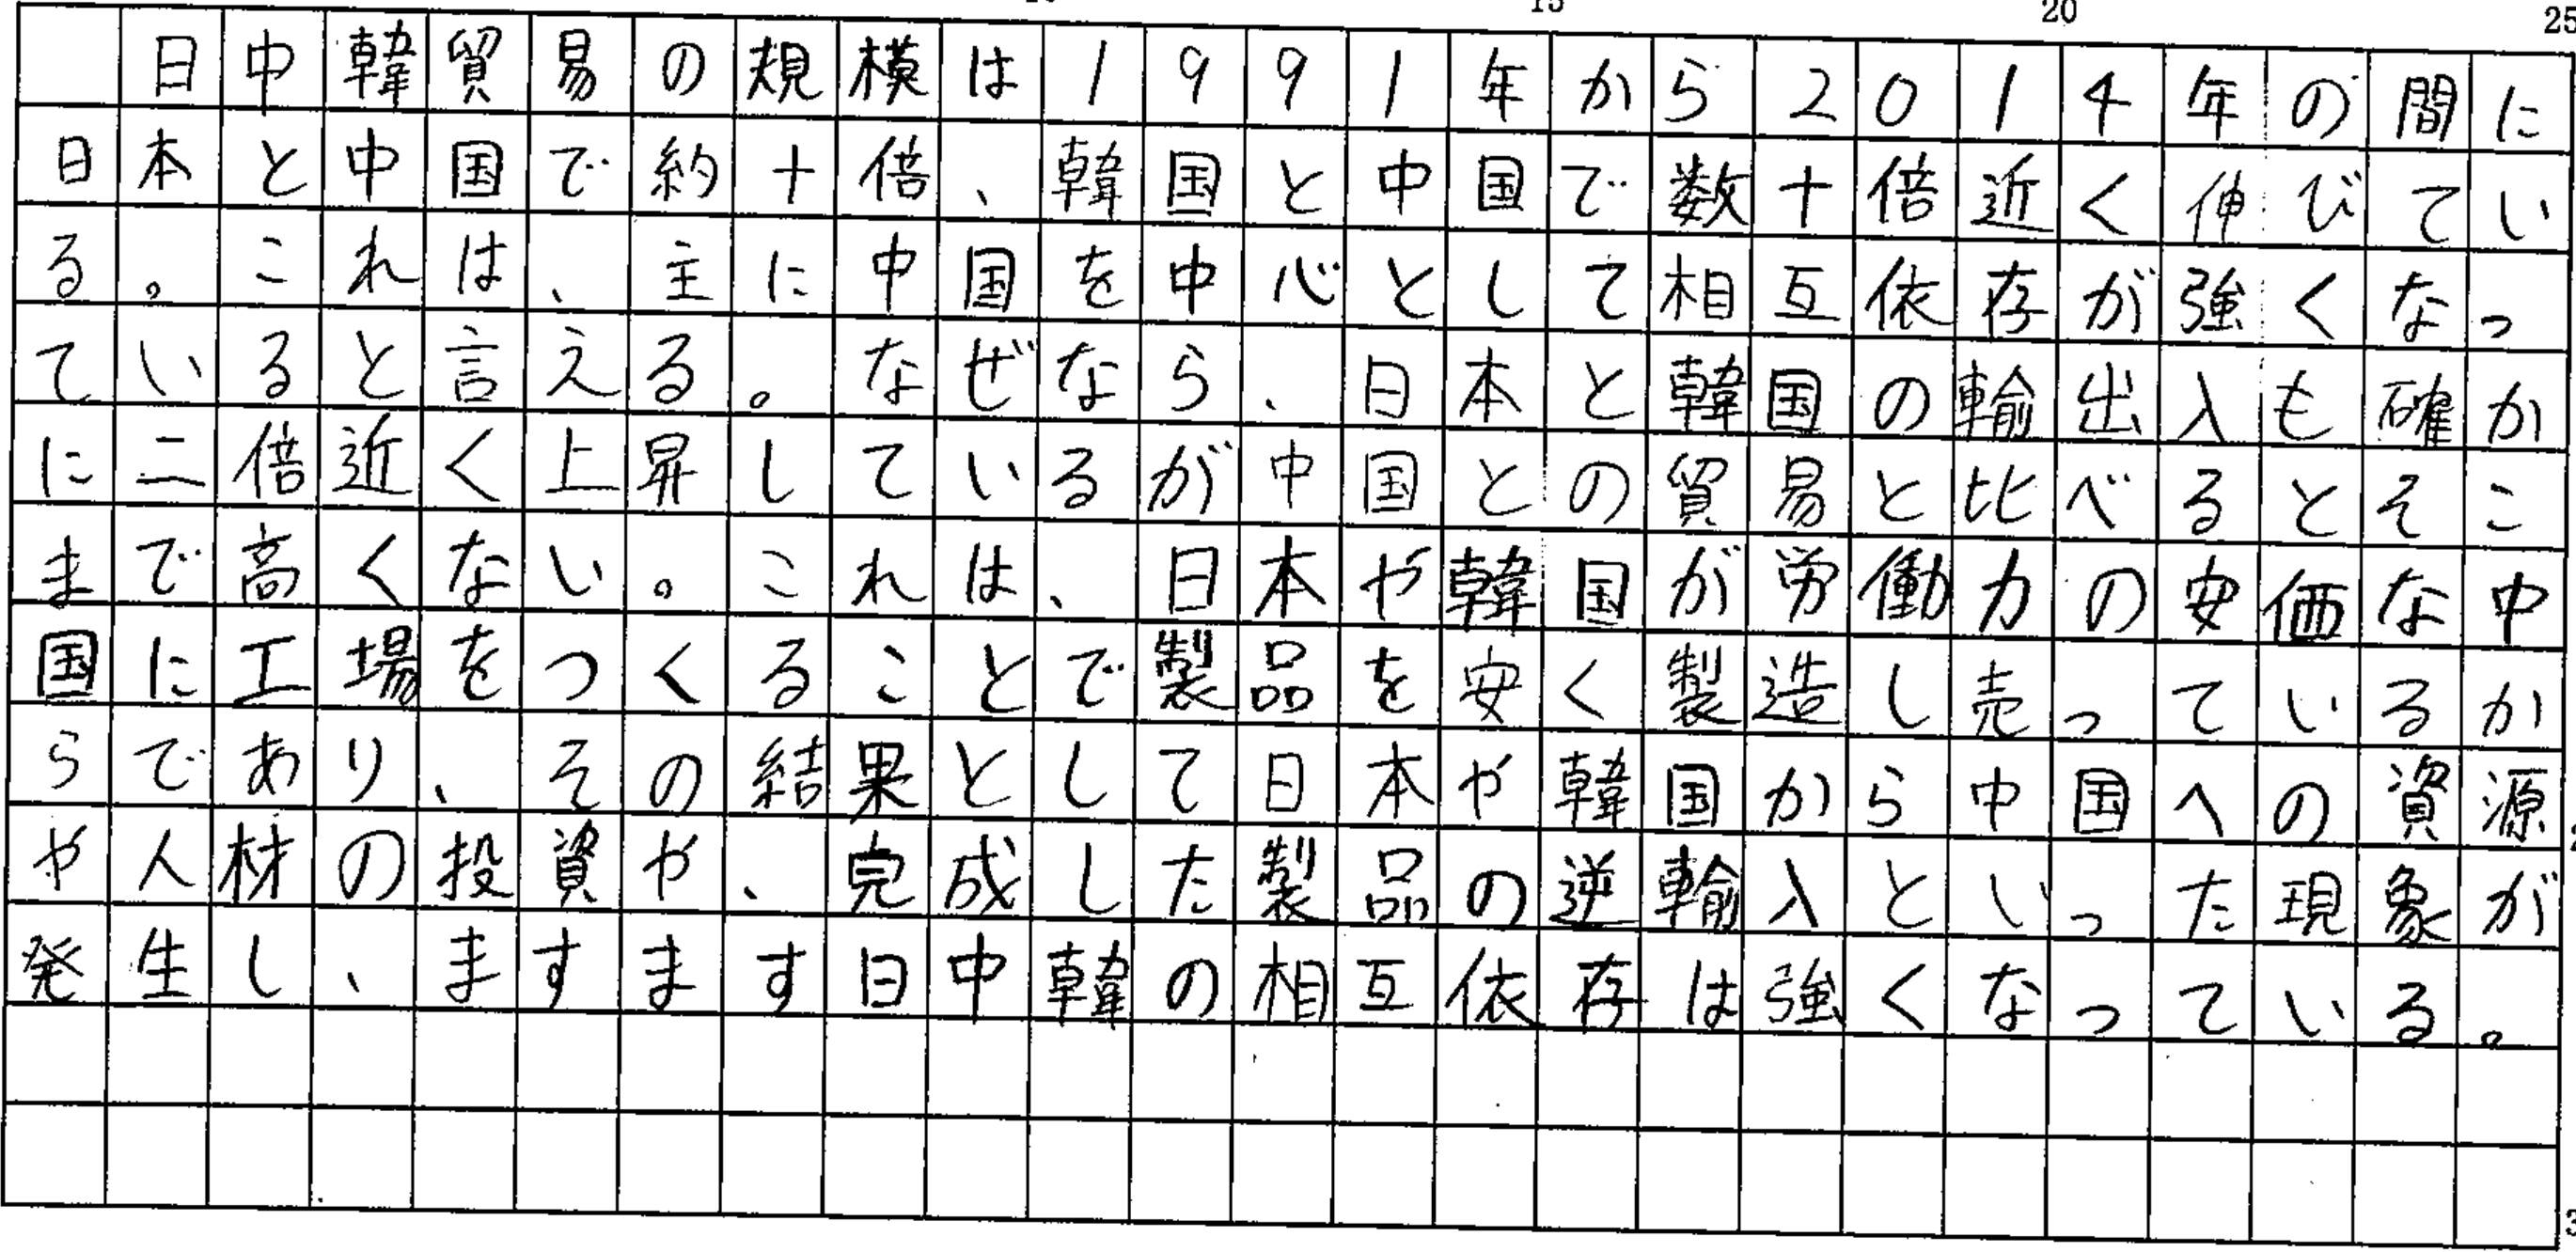　日中韓貿易の規模は１９９１年から２０１４年の間に日本と中国で約十倍、韓国と中国で数十倍近く伸びている。これは、主に中国を中心として相互依存が強くなっていると言える。なぜなら、日本と韓国の輸出入も確かに二倍近く上昇しているが中国との貿易と比べるとそこまで高くない。これは、日本や韓国が労働力の安価な中国に工場をつくることで製品を安く製造し売っているからであり、その結果として日本や韓国から中国への資源や人材の投資や、完成した製品の逆輸入といった現象が発生し、ますます日中韓の相互依存は強くなっている。
